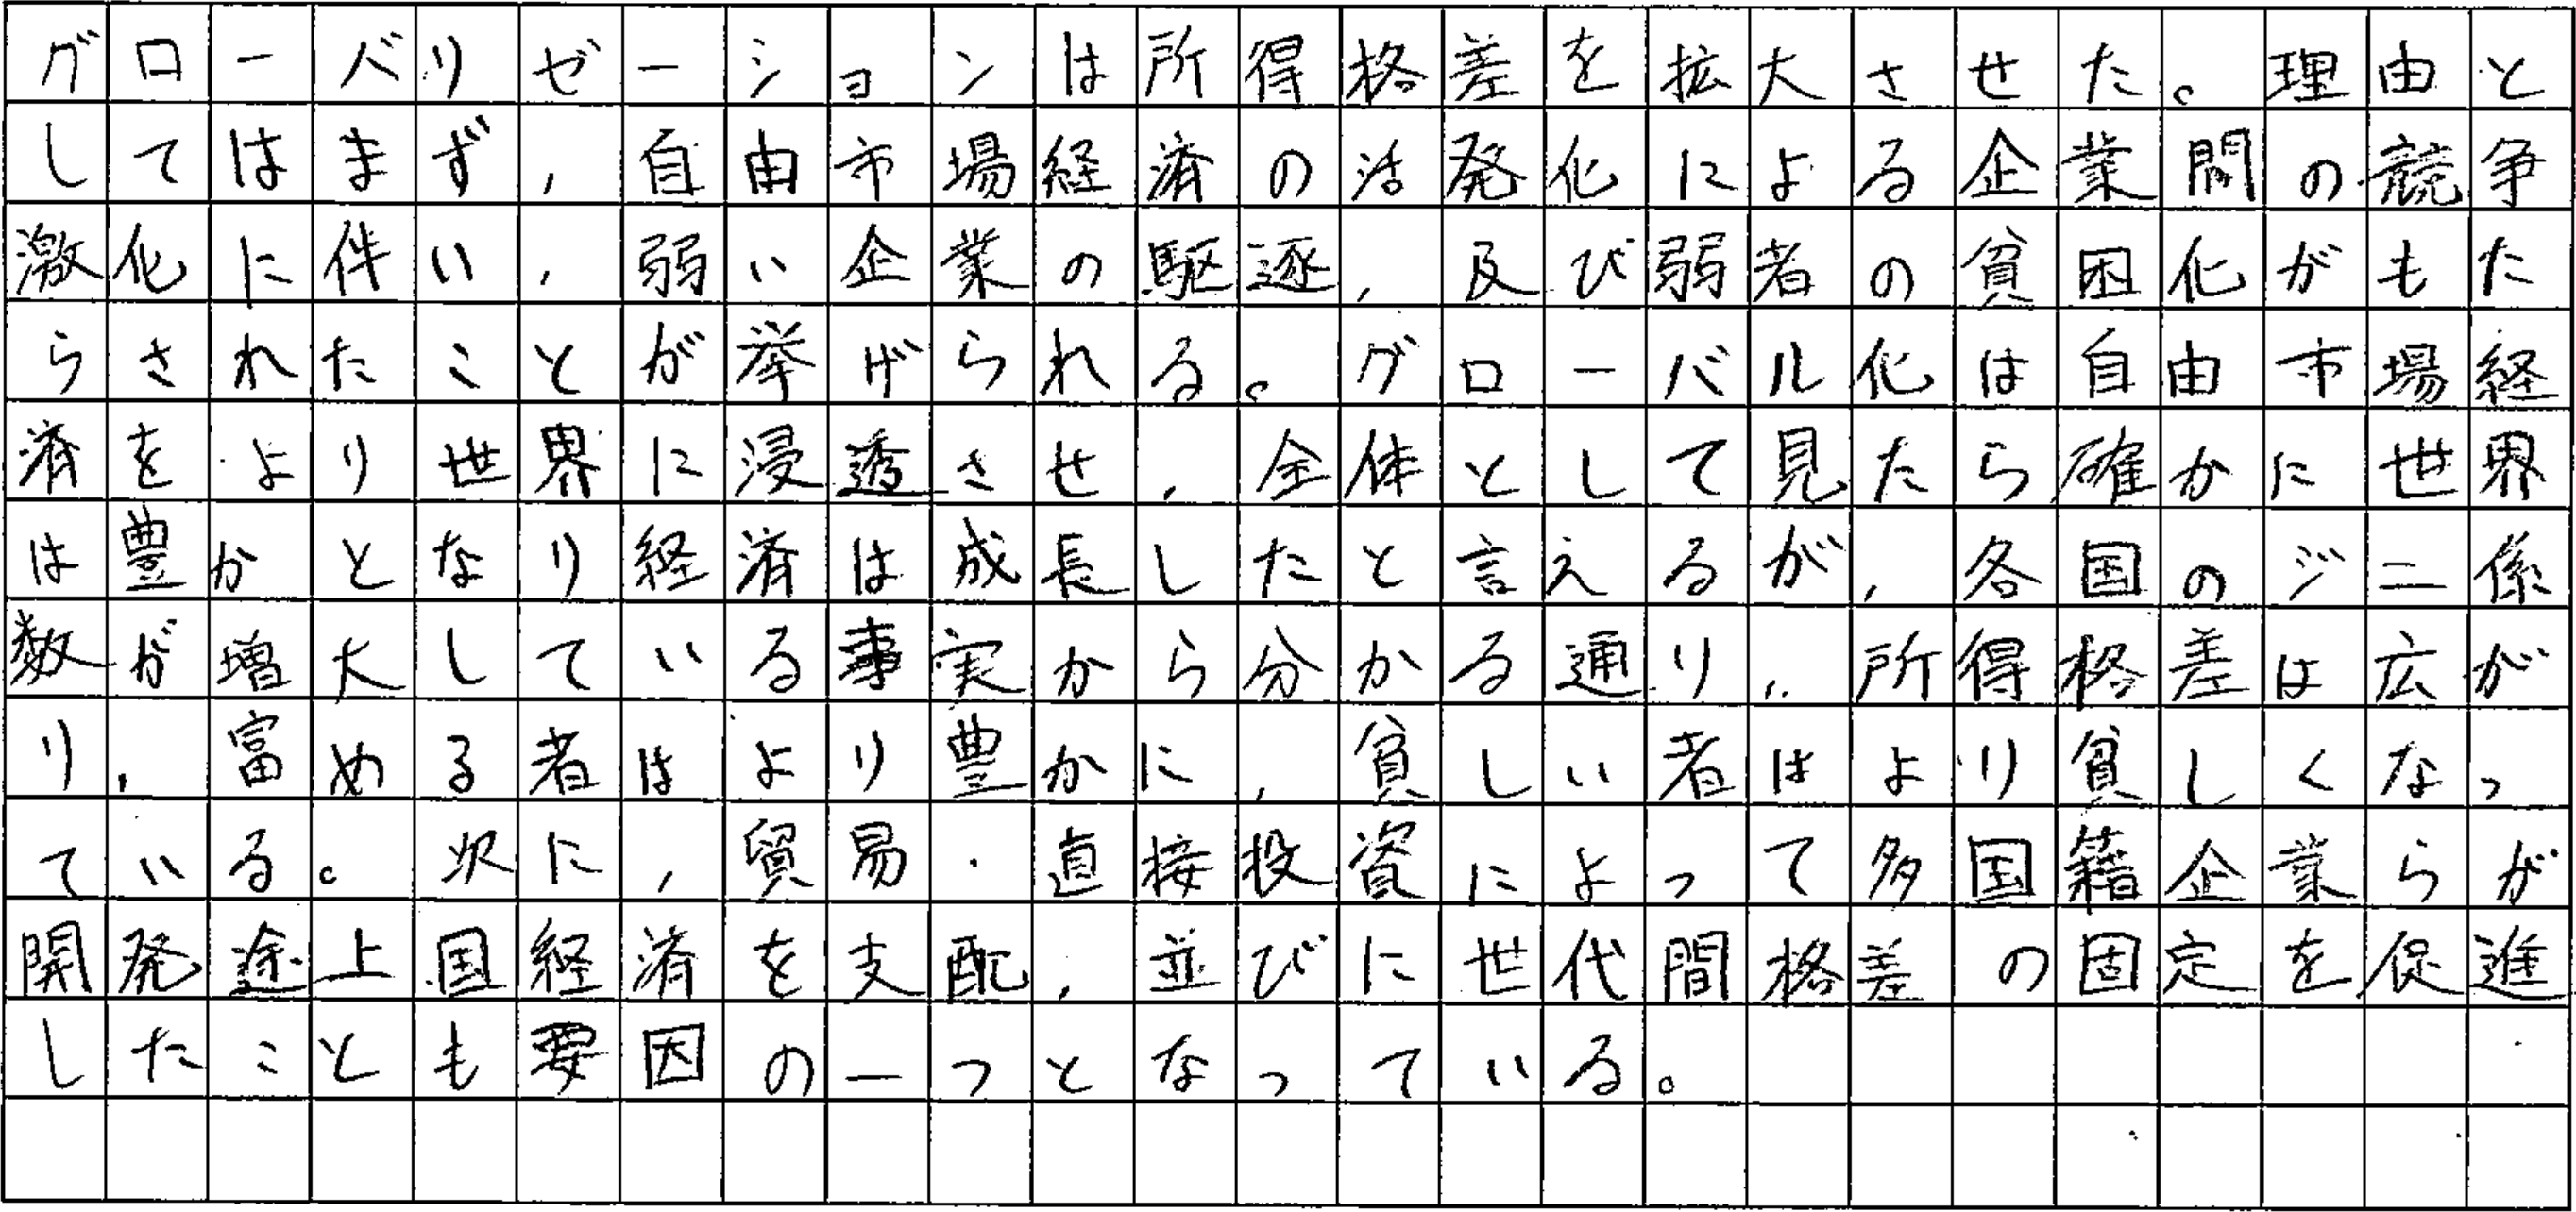グローバリゼーションは所得格差を拡大させた。理由としてはまず、自由市場経済の活発化による企業間の競争激化に伴い、弱い企業の駆逐、及び弱者の貧困化がもたらされたことが挙げられる。グローバル化は自由市場経済をより世界に浸透させ、全体として見たら確かに世界は豊かとなり経済は成長したと言えるが、各国のジニ係数が増大している事実から分かる通り、所得格差は広がり、富める者はより豊かに、貧しい者はより貧しくなっている。次に、貿易・直接投資によって多国籍企業らが開発途上国経済を支配、並びに世代間格差の固定を促進したことも要因の一つとなっている。
